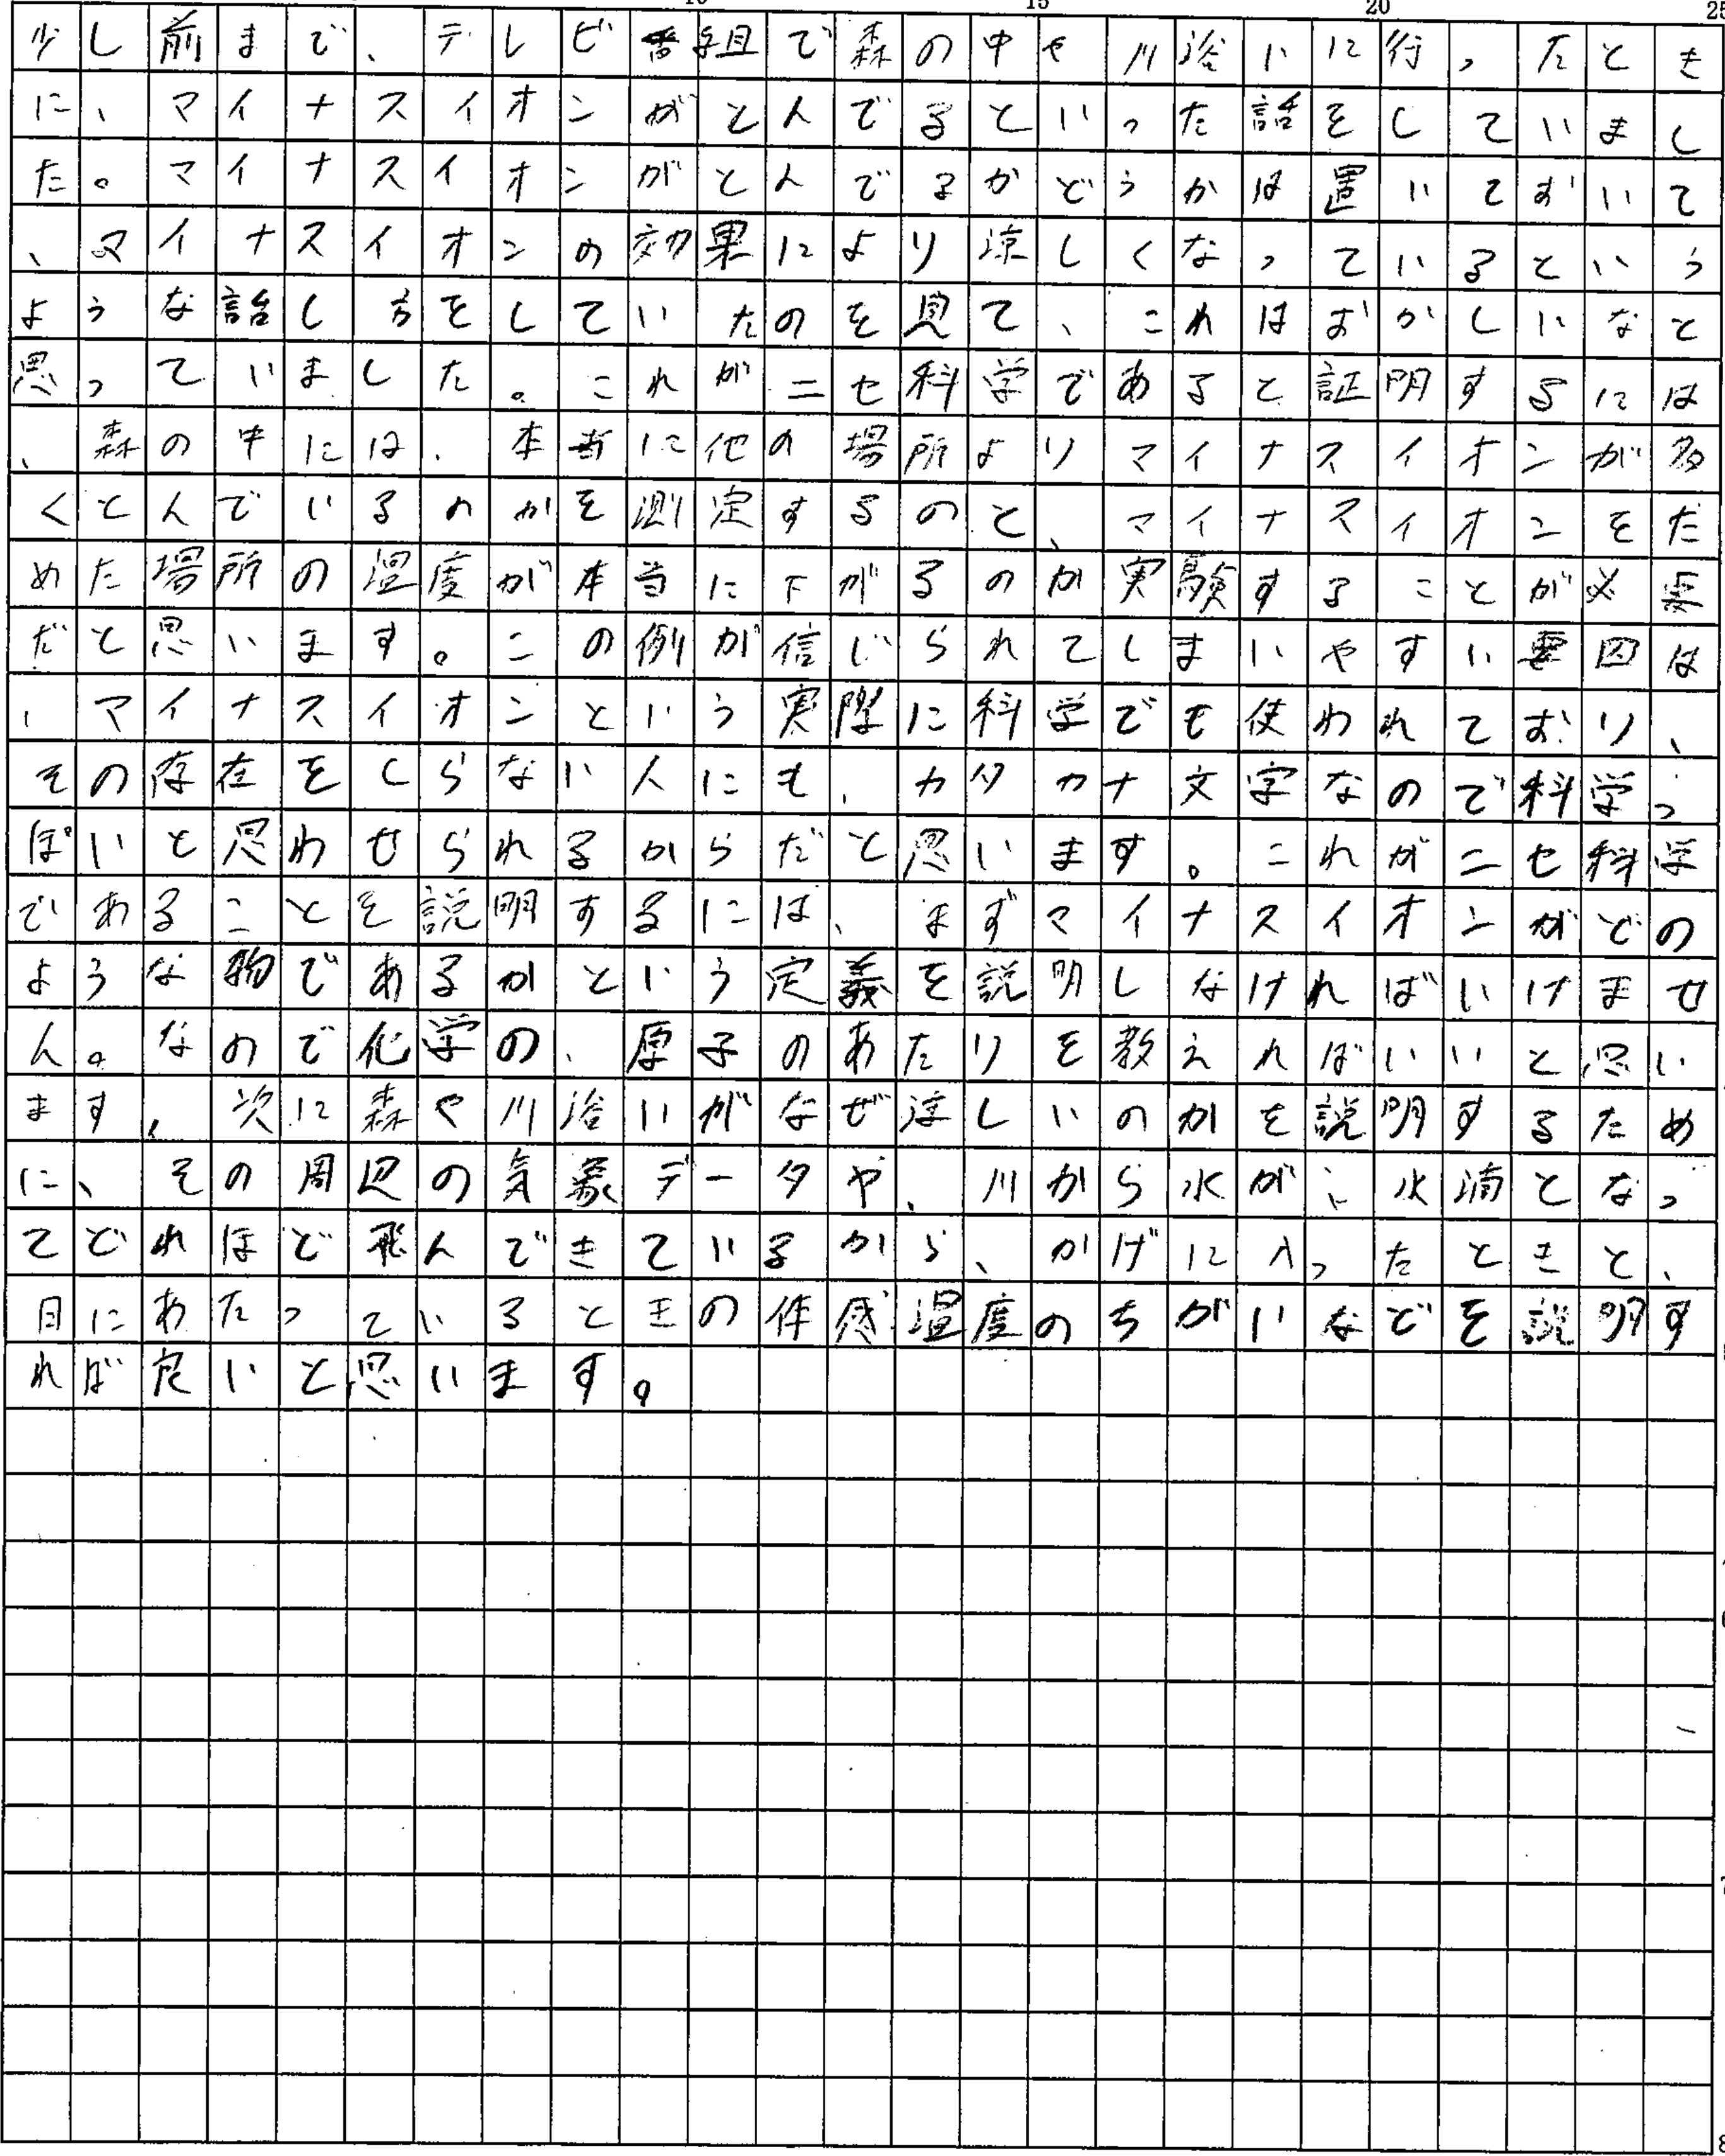少し前まで、テレビ番組で森の中や川浴いに行ったときに、マイナスイオンがとんでるといった話をしていました。マイナスイオンがとんでるかどうかは置いておいて、マイナスイオンの効果により涼しくなっているというような話し方をしていたのを見て、これはおかしいなと思っていました。これがニセ科学であると証明するには、森の中には、本当に他の場所よりマイナスイオンが多くとんでいるのかを測定するのと、マイナスイオンをためた場所の温度が本当に下がるのか実験することが必要だと思います。この例が信じられてしまいやすい要因は、マイナスイオンという実際に科学でも使われており、その存在をしらない人にも、カタカナ文字なので科学っぽいと思わせられるからだと思います。これがニセ科学であることを説明するには、まずマイナスイオンがどのような物であるかという定義を説明しなければいけません。なので化学の、原子のあたりを教えればいいと思います。次に森や川浴いがなぜ涼しいのかを説明するために、その周辺の気象データや、川から水が、水滴となってどれほど飛んできているか▁、かげに入ったときと、日にあたっているときの体感温度のちがいなどを説明すれば良いと思います。
